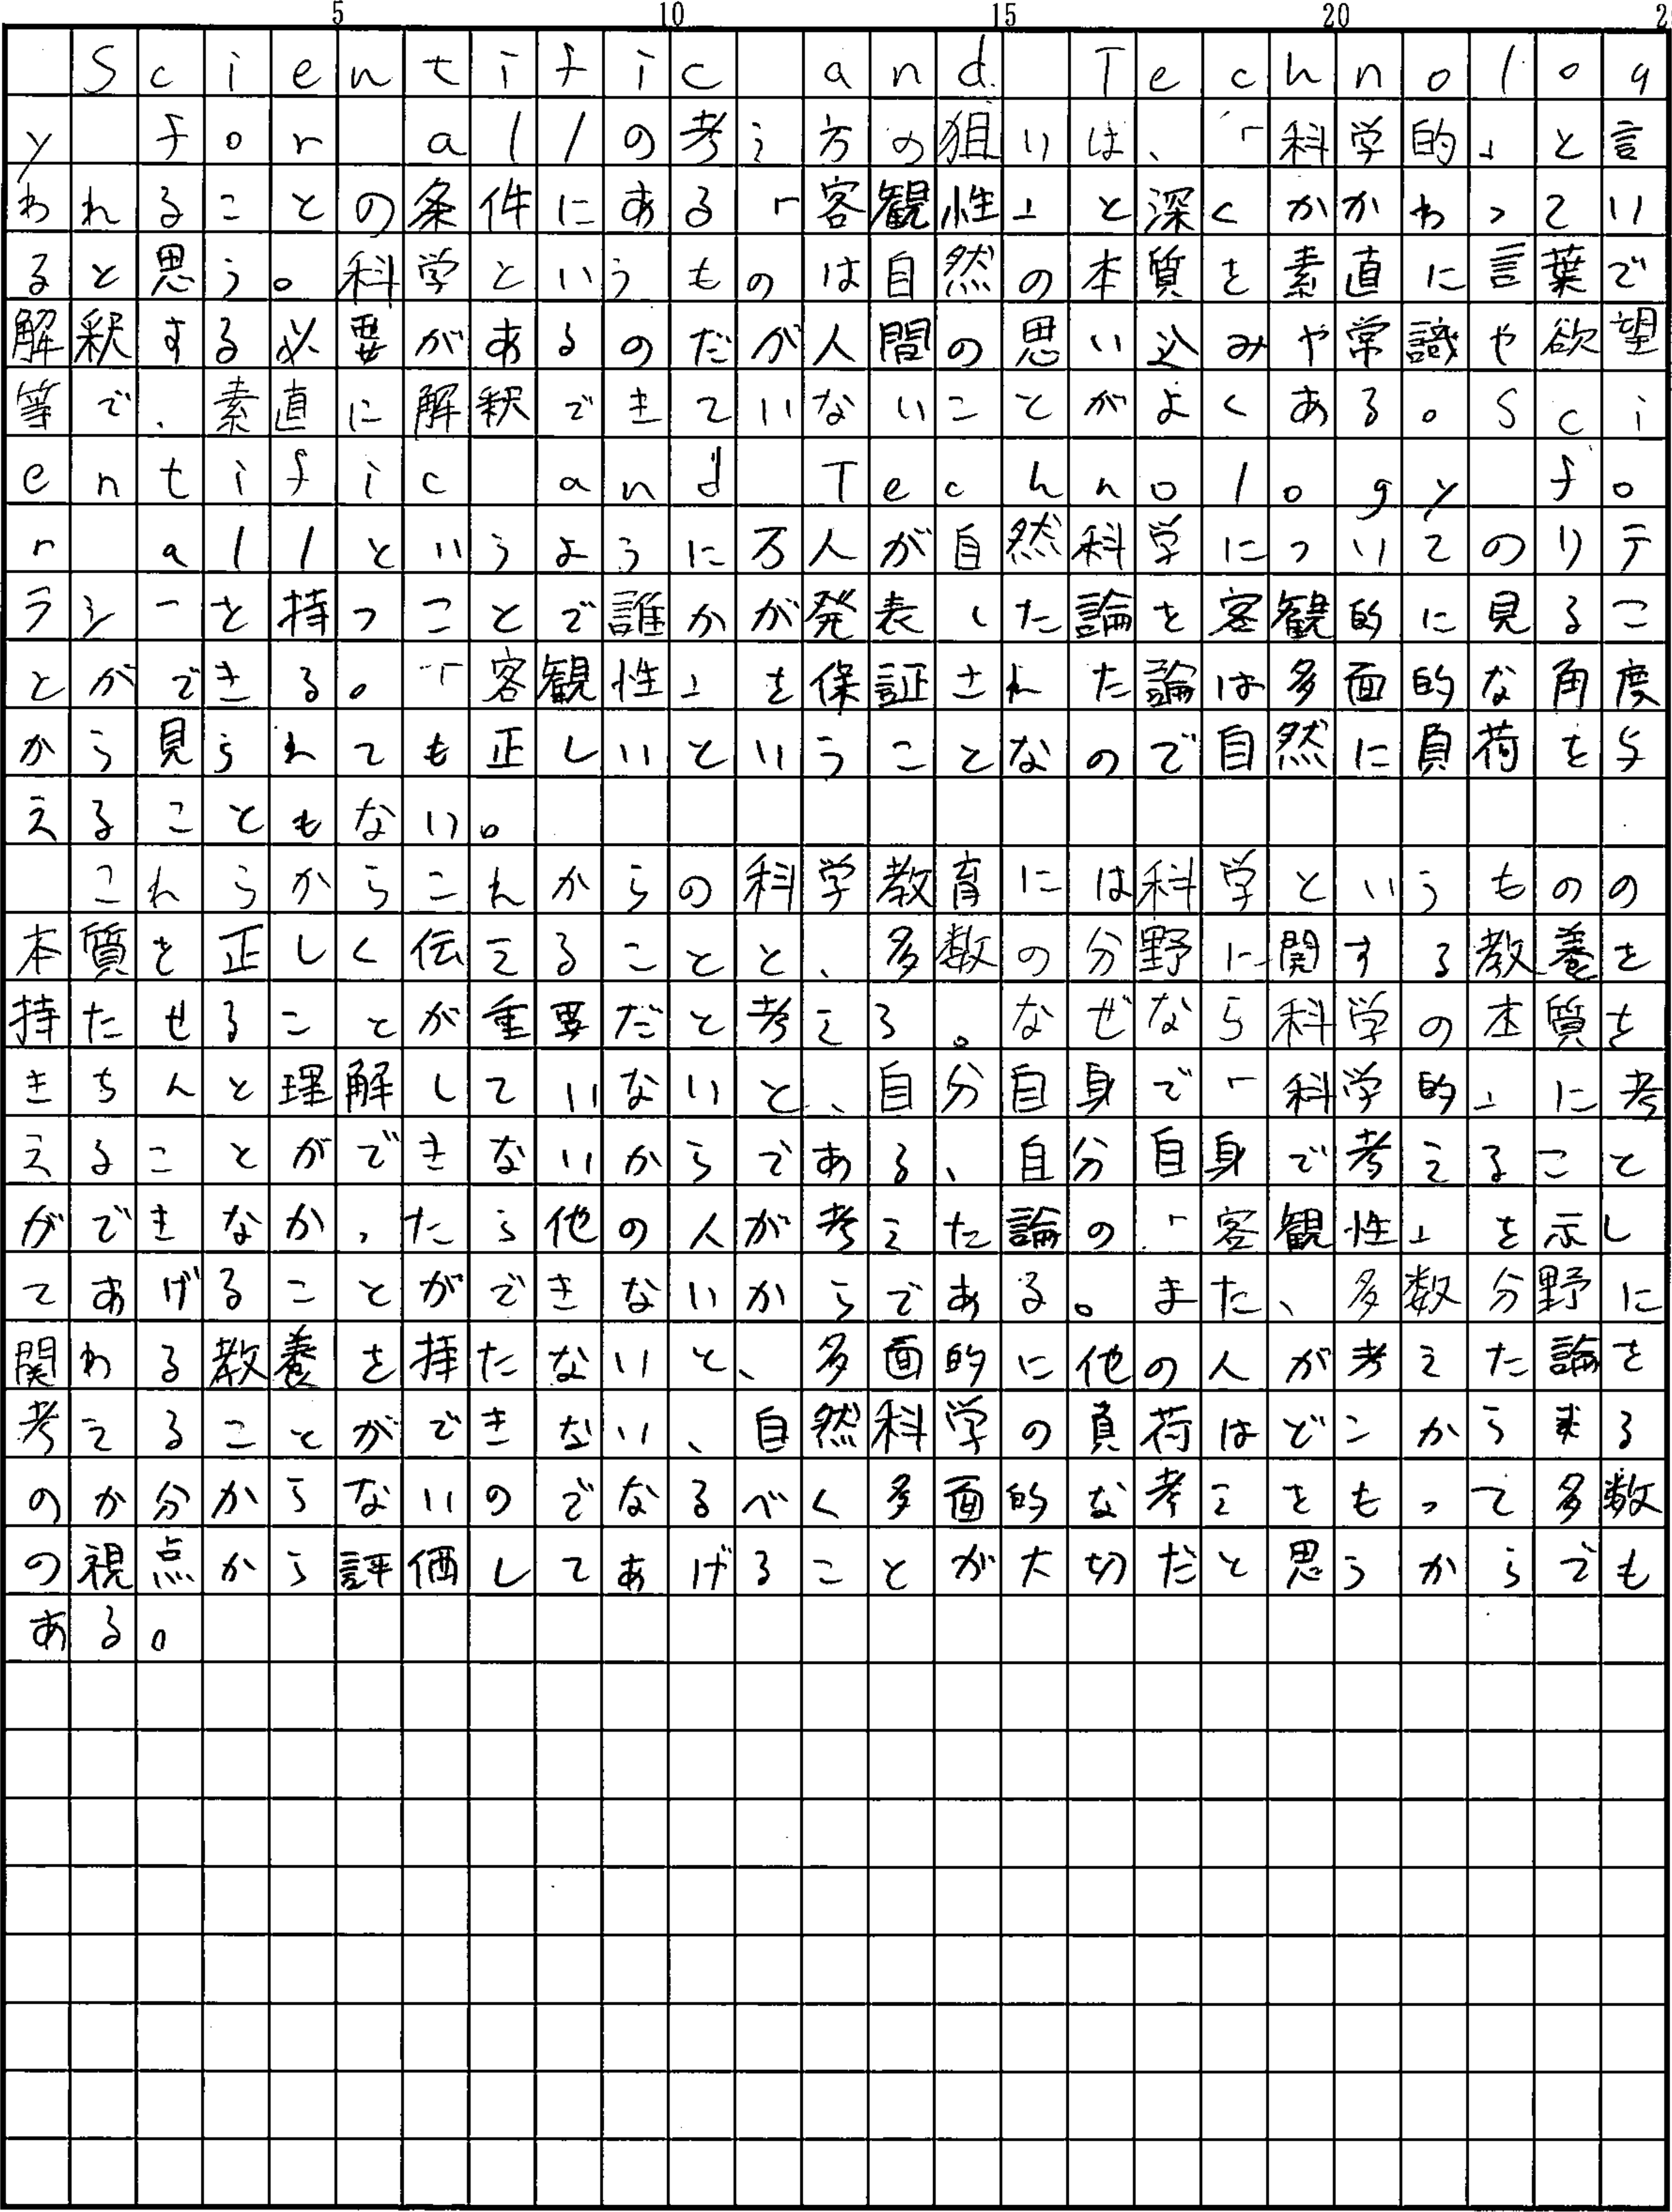　Ｓｃｉｅｎｔｉｆｉｃ　ａｎｄ　Ｔｅｃｈｎｏｌｏｇｙ　ｆｏｒ　ａｌｌの考え方の狙いは、「科学的」と言われることの条件にある「客観性」と深くかかわっていると思う。科学というものは自然の本質を素直に言葉で解釈する必要があるのだが人間の思い込みや常識や欲望等で、素直に解釈できていないことがよくある。Ｓｃｉｅｎｔｉｆｉｃ　ａｎｄ　Ｔｅｃｈｎｏｌｏｇｙ　ｆｏｒ　ａｌｌというように万人が自然科学についてのリテラシーを持つことで誰かが発表した論を客観的に見ることができる。「客観性」を保証された論は多面的な角度から見られても正しいということなので自然に負荷を与えることもない。
　これらからこれからの科学教育には科学というものの本質を正しく伝えることと、多数の分野に関する教養を持たせることが重要だと考える。なぜなら科学の本質をきちんと理解していないと、自分自身で「科学的」に考えることができないからである。自分自身で考えることができなかったら他の人が考えた論の「客観性」を示してあげることができないからである。また、多数分野に関わる教養を持たないと、多面的に他の人が考えた論を考えることができない、自然科学の負荷はどこから来るのか分からないのでなるべく多面的な考えをもって多数の視点から評価してあげることが大切だと思うからでもある。
